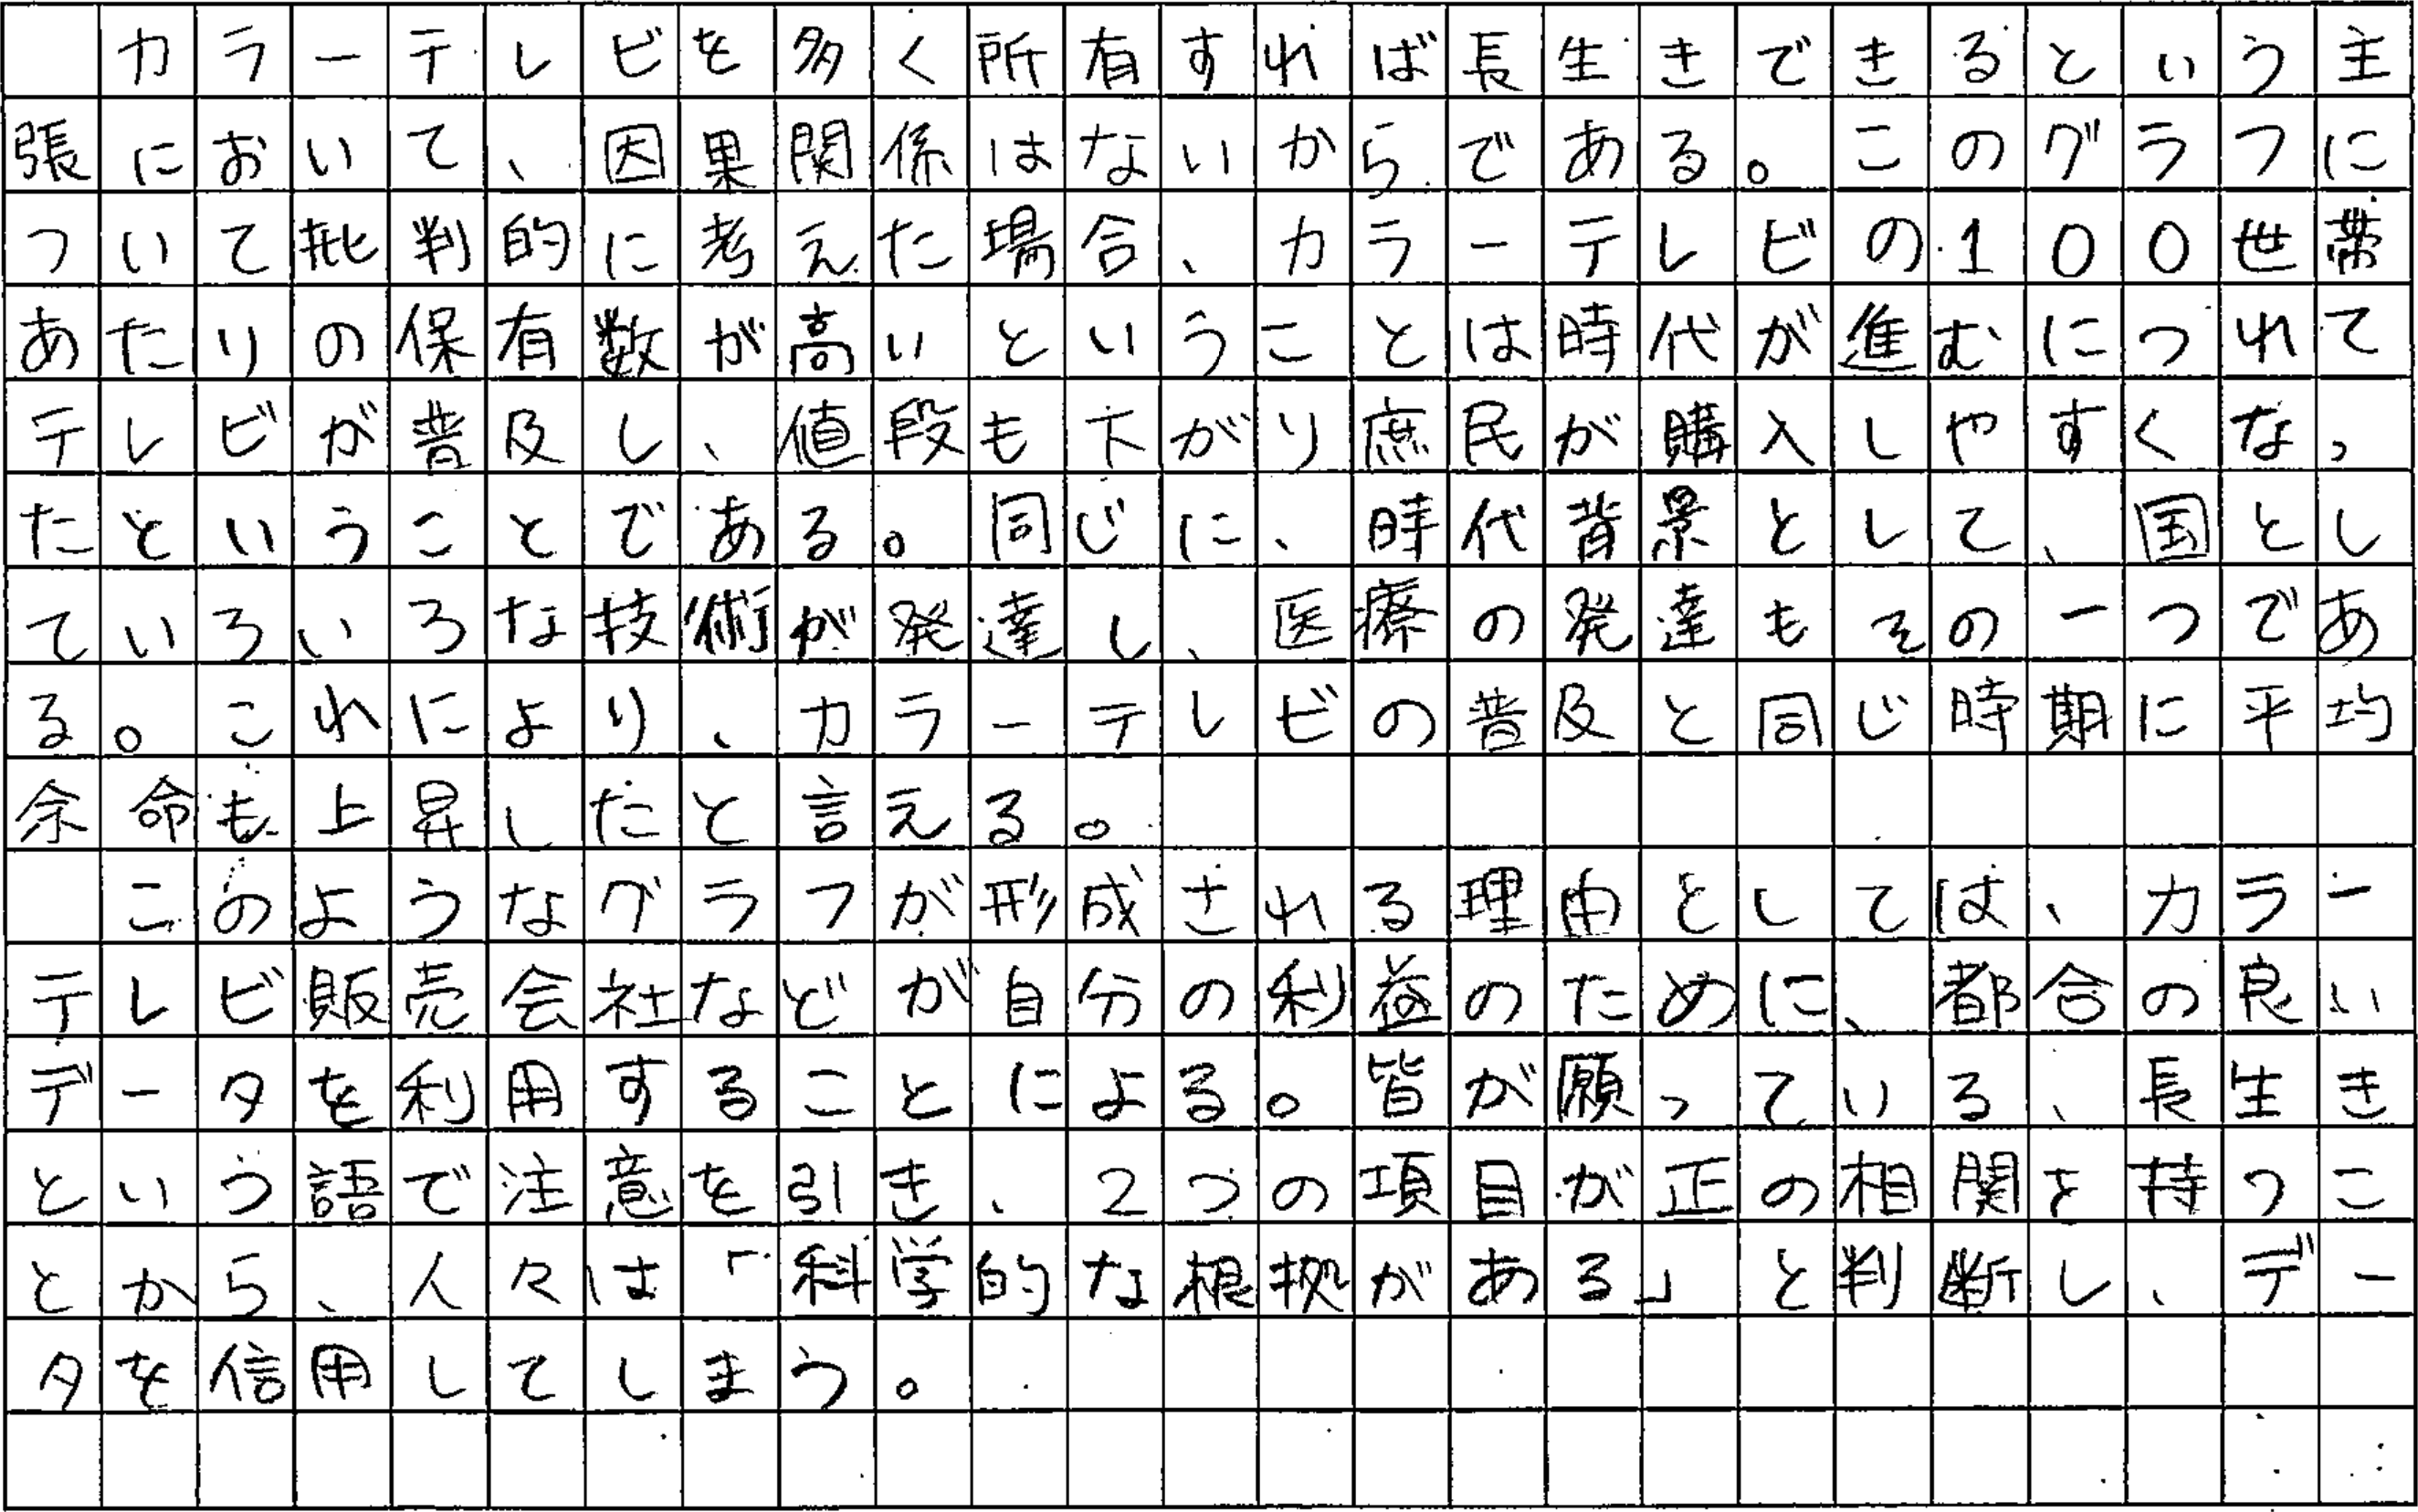　カラーテレビを多く所有すれば長生きできるという主張において、因果関係はないからである。このグラフについて批判的に考えた場合、カラーテレビの１００世帯あたりの保有数が高いということは時代が進むにつれてテレビが普及し、値段も下がり庶民が購入しやすくなったということである。同じに、時代背景として、国としていろいろな技術が発達し、医療の発達もその一つである。これにより、カラーテレビの普及と同じ時期に平▁余命も上昇したと言える。
　このようなグラフが形成される理由としては、カラーテレビ販売会社などが自分の利益のために、都合の良いデータを利用することによる。皆が願っている、長生きという語で注意を引き、２つの項目が正の相関を持つことから、人々は「科学的な根拠がある」と判断し、データを信用してしまう。
